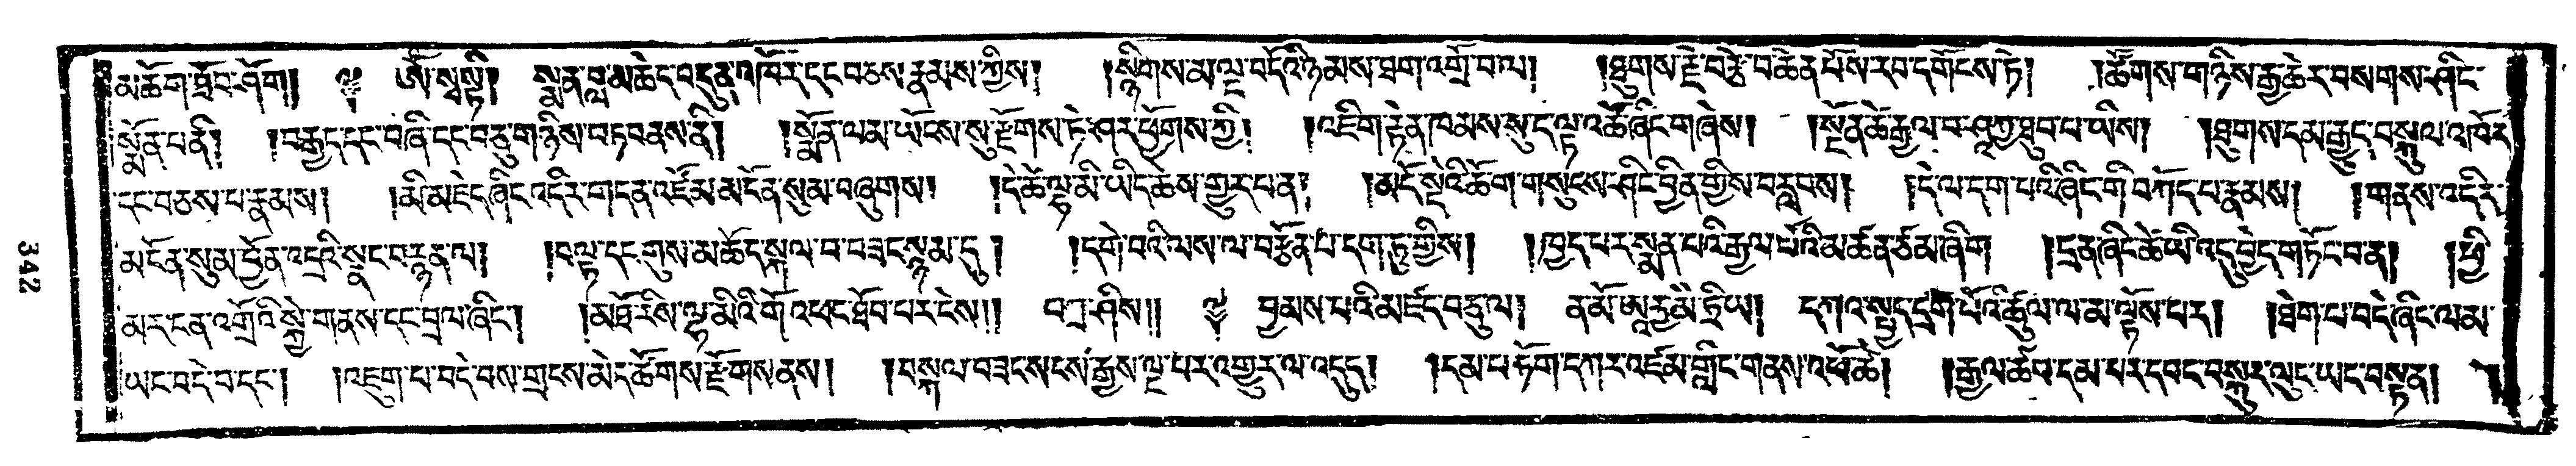མཆོག་ཐོབ་ཤོག། ༈ ཨོཾ་སྭསྟི། སྨན་བླ་མཆེད་བདུན་འཁོར་དང་བཅས་རྣམས་ཀྱིས། །སྙིགས་མ་ལྔ་བདོའི་ཉམས་ཐག་འགྲོ་བ་ལ། །ཐུགས་རྗེ་བརྩེ་བ་ཆེན་པོས་རབ་དགོངས་ཏེ། །ཚོགས་གཉིས་རྒྱ་ཆེར་བསགས་ཤིང་
སྨོན་པ་ནི། །བརྒྱད་དང་བཞི་དང་བཅུ་གཉིས་བཏབ་ནས་ནི། །སྨོན་ལམ་ཡོངས་སུ་རྫོགས་ཏེ་ཤར་ཕྱོགས་ཀྱི། །འཇིག་རྟེན་ཁམས་སུ་ད་ལྟ་འཚོ་ཞིང་གཞེས། །སྔོན་ཚེ་རྒྱལ་བ་ཤཱཀྱ་ཐུབ་པ་ཡིས། །ཐུགས་དམ་རྒྱུད་བསྐུལ་འཁོར་
དང་བཅས་པ་རྣམས། །མི་མཇེད་ཞིང་འདིར་གདན་འཛོམ་མངོན་སུམ་བཞུགས། །དེ་ཚེ་ལྷ་མི་ཡིད་ཆེས་གྱུར་པ་ན། །མདོ་སྡེའི་ཆོ་ག་གསུངས་ཤིང་བྱིན་གྱིས་བརླབས། །དེ་ལ་དག་པའི་ཞིང་གི་བཀོད་པ་རྣམས། །གནས་འདིར་
མངོན་སུམ་བྱོན་འདྲའི་སྣང་བརྙན་ལ། །བལྟ་དང་གུས་མཆོད་སྐལ་བ་བཟང་སྙམ་དུ། །དགེ་བའི་ལས་ལ་བརྩོན་པ་དག་ཏུ་གྱིས། །ཁྱད་པར་སྨན་པའི་རྒྱལ་པོའི་མཚན་ཙམ་ཞིག །དྲན་ཞིང་ཚེ་ཡི་འདུ་བྱེད་གཏོང་བ་ན། །ཕྱི་
མར་ངན་འགྲོའི་སྐྱེ་གནས་དང་བྲལ་ཞིང་། །མཐོ་རིས་ལྷ་མིའི་གོ་འཕང་ཐོབ་པར་ངེས། བཀྲ་ཤིས།། ༈ བྱམས་པའི་མཛད་བཅུ་ལ། ན་མོ་ཨཱརྱ་མཻ་ཏྲི་ཡ། དཀའ་སྤྱད་དྲག་པོའི་ཚུལ་ལ་མ་ལྟོས་པར། །ཐེག་པ་བདེ་ཞིང་ལམ་
ཡང་བདེ་བ་དང་། །འཇུག་པ་བདེ་བས་གྲངས་མེད་ཚོགས་རྫོགས་ནས། །བསྐལ་བཟང་སངས་རྒྱས་ལྔ་པར་འགྱུར་ལ་འདུད། །དམ་པ་ཏོག་དཀར་འཛམ་གླིང་གནས་འཕོ་ཚེ། །རྒྱལ་ཚབ་དམ་པར་དབང་བསྐུར་ལུང་ཡང་བསྟན། །